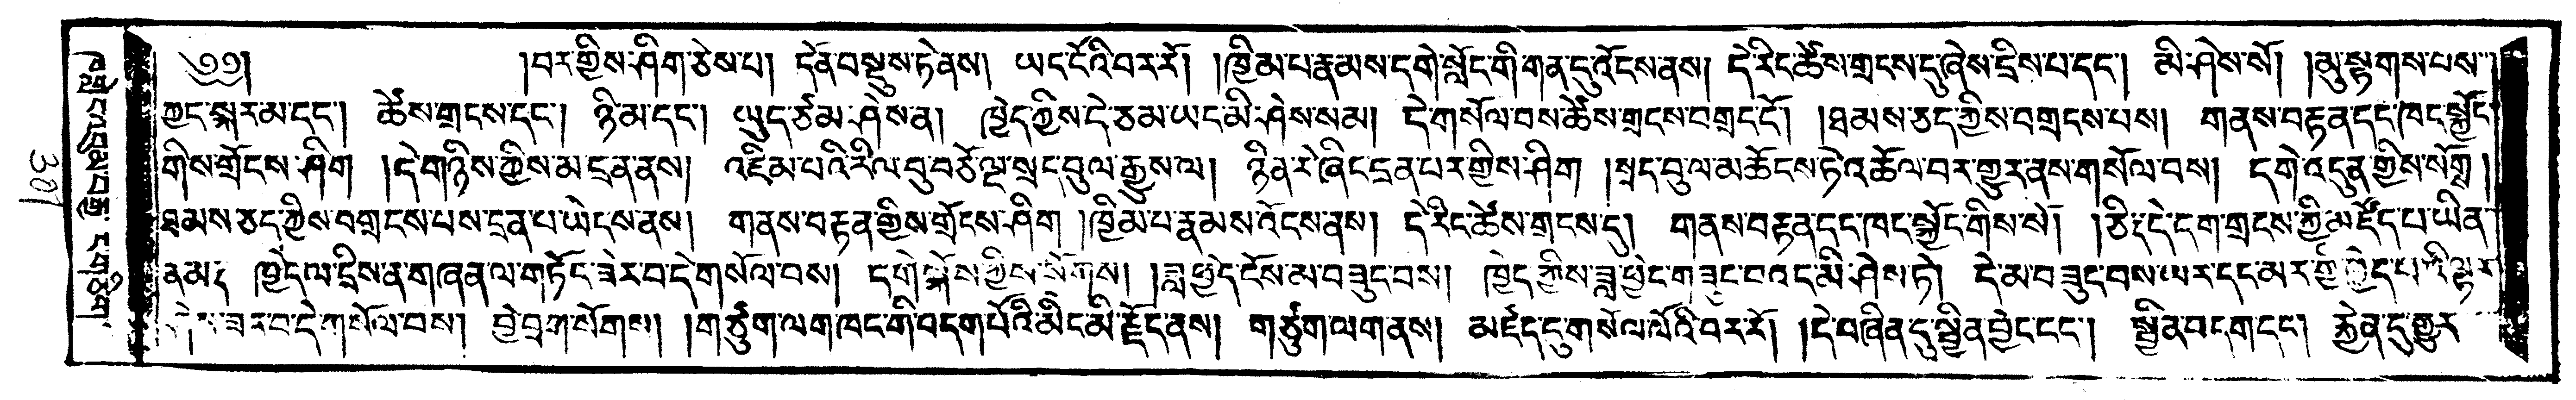༄༅། །བར་གྱིས་ཤིག་ཅེས་པ། དོན་བསྡུས་ཏེ་ནས། ཡང་ངོའི་བར་རོ། །ཁྱིམ་པ་རྣམས་དགེ་སློང་གི་གན་དུ་འོངས་ནས། དེ་རིང་ཚེས་གྲངས་དུ་ཞེས་དྲིས་པ་དང་། མི་ཤེས་སོ། །མུ་སྟགས་པས་
ཀྱང་སྐར་མ་དང་། ཚེས་གྲངས་དང་། ཉི་མ་དང་། ཡུད་ཙམ་ཤེས་ན། ཁྱེད་ཀྱིས་དེ་ཅམ་ཡང་མི་ཤེས་སམ། དེ་གསོལ་བས་ཚེས་གྲངས་བགྲང་ངོ། །ཐམས་ཅད་ཀྱིས་བགྲངས་པས། གནས་བརྟན་དང་ཁང་སྐྱོང་
གིས་གྲོངས་ཤིག །དེ་གཉིས་ཀྱིས་མ་དྲན་ནས། འཇིམ་པའི་རིལ་བུ་བཅོ་ལྔ་སྲད་བུ་ལ་རྒྱུས་ལ། ཉིན་རེ་ཞིང་དྲན་པར་གྱིས་ཤིག །སྲད་བུ་ལ་མཆོངས་ཏེ་འཆོལ་བར་གྱུར་ནས་གསོལ་བས། དགེ་འདུན་གྱིས་སོགས།
ཐམས་ཅད་ཀྱིས་བགྲངས་པས་དྲན་པ་ཡེངས་ནས། གནས་བརྟན་གྱིས་གྲོངས་ཤིག །ཁྱིམ་པ་རྣམས་འོངས་ནས། དེ་རིང་ཚེས་གྲངས་དུ། གནས་བརྟན་དང་ཁང་སྐྱོང་གིས་སོ། །ཅི༑ དེ་དག་གྲངས་ཀྱི་མཛོད་པ་ཡིན་
ནམ༑ ཁྱེད་ལ་དྲིས་ན་གཞན་ལ་གཏོང་ཟེར་བ་དེ་གསོལ་བས། དགེ་སྐོས་ཀྱིས་སོགས། །ཟླ་ཕྱེད་ངོས་མ་བཟུང་བས། ཁྱེད་ཀྱིས་ཟླ་ཕྱེད་གཟུང་བའང་མི་ཤེས་ཏེ། དེ་མ་བཟུང་བས་ཡར་དང་མར་གྱི་བྱེད་པའི་ལྟར་
ཤེས་ཟར་བ་དེ་གསོལ་བས། བྱེ་བྲག་སོགས། །གཙུག་ལག་ཁང་གི་བདག་པོའི་མིང་མི་རྗོད་ནས། གཙུག་ལག་ནས། མཛད་དུ་གསོལ་ལོའི་བར་རོ། །དེ་བཞིན་དུ་སྦྱིན་བྱེད་ངང་། སྦྱིན་བདག་དང་། རྐྱེན་དུ་རྒྱུར་